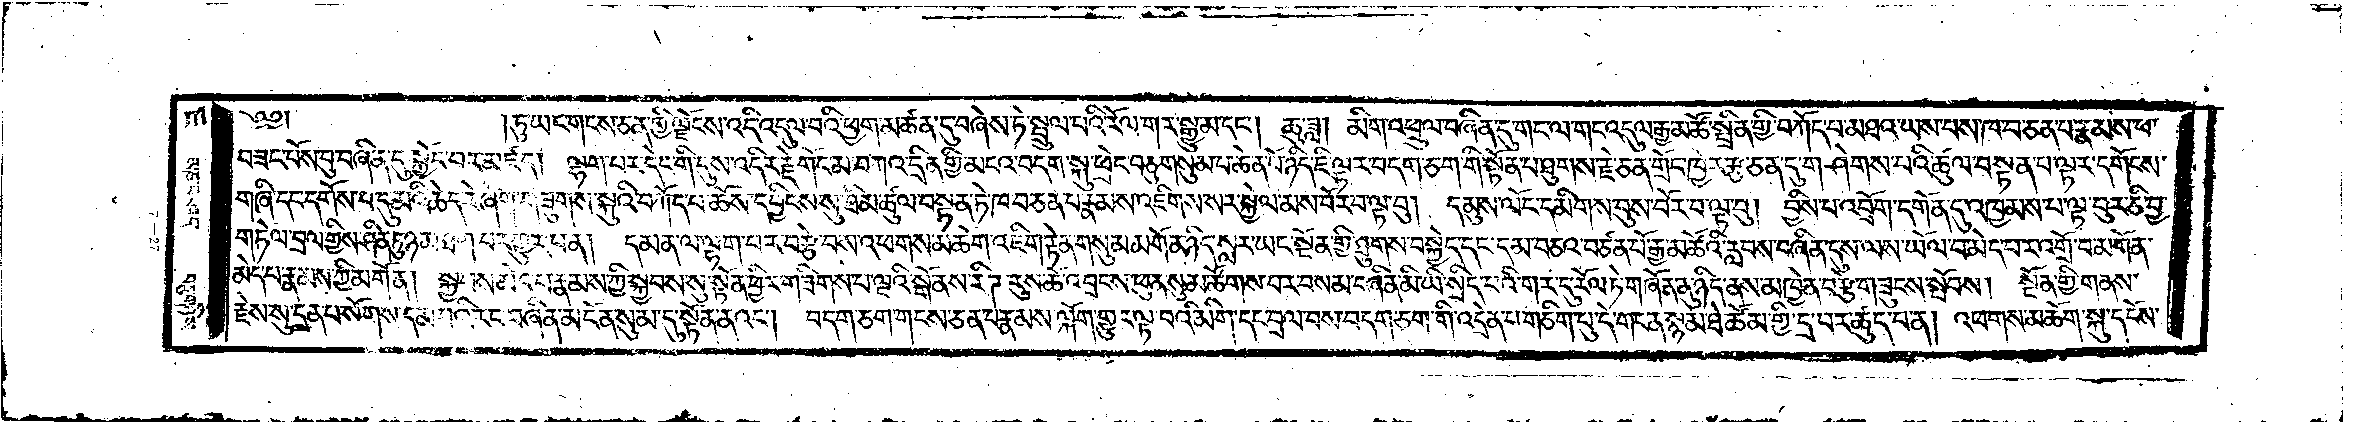༄༅། །ཏུ་ཡང་གངས་ཅན་གྱི་ལྗོངས་འདི་འདུལ་བའི་ཕྱག་མཚན་དུ་བཞེས་ཏེ་སྤྲུལ་པའི་རོལ་གར་སྒྱུ་མ་དང་། ཆུ་ཟླ། མིག་འཕྲུལ་བཞིན་དུ་གང་ལ་གང་འདུལ་རྒྱ་མཚོ་སྦྲིན་གྱི་བཀོད་པ་མཐའ་ཡས་པས་ཁ་བ་ཅན་པ་རྣམས་ཕ་
བཟང་པོས་བུ་བཞིན་དུ་སྐྱོང་བར་མཛད། ལྷག་པར་དེང་གི་དུས་འདིར་རྗེ་གོང་མ་བཀའ་དྲིན་གྱི་མངའ་བདག་སྐུ་ཕྲེང་བཅུ་གསུམ་པ་ཆེན་པོ་ཉིད་ཇི་ལྟར་བདག་ཅག་གི་སྟོན་པ་ཐུགས་རྗེ་ཅན་གྲོང་ཁྱེར་རྩ་ཅན་དུ་གཤེགས་པའི་ཚུལ་བསྟན་པ་ལྟར་དགོངས་
གཞི་དང་དགོས་པ་དུ་མའི་ཆེད་རེ་ཞིག་གཟུགས་སྐུའི་བཀོད་པ་ཆོས་དབྱིངས་སུ་ཐིམ་ཚུལ་བསྟན་ཏེ་ཁ་བ་ཅན་པ་རྣམས་འཇིགས་སར་སྐྱེལ་མས་བོར་བ་ལྟ་བུ། དམུས་ལོང་དམིགས་བུས་བོར་བ་ལྟ་བུ། བྱིས་པ་འབྲོག་དགོན་དུ་འཁྱམས་པ་ལྟ་བུར་ཅི་བྱ་
གཏེར་བྲལ་གྱིས་ཤིན་ཏུ་ཉམ་ཐག་པར་གྱུར་པ་ན། དམན་ལ་ལྷག་པར་བརྩེ་བས་འཕགས་མཆོག་འཇིག་རྟེན་གསུམ་མགོན་ཉིད་སླར་ཡང་སྔོན་གྱི་ཐུགས་བསྐྱེད་དང་དམ་བཅའ་བཙན་པོ་རྒྱ་མཚོའི་རླབས་བཞིན་དུས་ལས་ཡོལ་བ་མེད་པར་འགྲོ་བ་མགོན་
མེད་པ་རྣམས་ཀྱི་མགོན། སྐྱབས་མེད་པ་རྣམས་ཀྱི་སྐྱབས་སུ་སྟོན་ཕྱིར་གཟིགས་པ་ཝའི་སྒོ་ནས་རིཌ་རུས་ཆོ་འབྲངས་ཕུན་སུམ་ཚོགས་པར་བསམ་བཞིན་མི་ཡི་སྲིད་པའི་གར་དུ་རོལ་ཏེ་གཞོན་ནུ་ཉིད་ནས་མཁྱེན་བརྩེ་གཟུངས་སྤོབས། སྔོན་གྱི་གནས་
རྗེས་སུ་དྲན་པ་སོགས་དམ་པའི་རང་བཞིན་མངོན་སུམ་དུ་སྟེན་ནའང་། བདག་ཅག་གངས་ཅན་པ་རྣམས་ལྐོག་གྱུར་ལྟ་བའི་མིག་དང་བྲལ་བས་བདག་ཅག་གི་འདྲེན་པ་གཅིག་པུ་དེ་གང་ན་སྙམ་ཐེ་ཚོམ་གྱི་དྲ་པར་ཚུད་པ་ན། །འཕགས་མཆོག་སྐུ་དངོས་